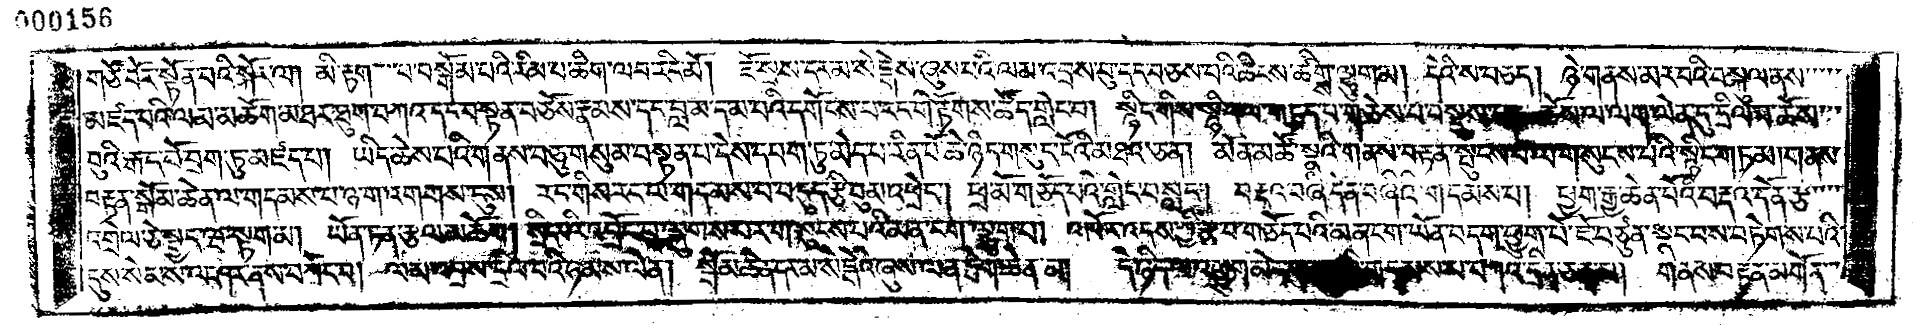གཙོ་བོར་སྟོན་པའི་སྐོར་ལ། མི་རྟག་པ་བསྒོམ་པའི་རིམ་པ་ཆིག་ལབ་རིང་མོ། ཇོ་སྲས་དར་མ་སེངྒེས་ཞུས་པའི་ལམ་འབྲས་བུ་དང་བཅས་པའི་ཆིངས་ཚིགས་ལྷུག་མ། དེའི་ས་བཅད། ཉེ་གནས་མར་བའི་བསྐུལ་ནས་
མཛད་པའི་ལམ་མཆོག་མཐར་ཐུག་བཀའ་དང་བསྟན་བཅོས་རྣམས་དང་བླ་མ་དམ་པའི་དགོངས་པ་རང་གི་རྟོགས་ཚོད་གླེང་བ། སྙིང་གིས་སྙིང་ལ་གཏད་པ་གཅེས་པ་བསྡུས་པ། ཆོས་ལ་ལག་ལེན་དུ་དྲིལ་བ་ཆོས་
བུའི་རྒད་པོ་བྲག་ཏུ་མཛད་པ། ཡིད་ཆེས་བའི་གནས་བཅུ་གསུམ་བསྟན་པ་དེས་དཔག་ཏུ་མེད་པ་རིན་པོ་ཆེ་ཉིད་གསུང་ངོའི་མཐའ་ཅན། མོན་མཚོ་སྣའི་གནས་བརྟན་སྤུངས་པ་ལ་གསུངས་པའི་སྙིང་གཏམ། གནས་
བརྟན་སྒོམ་ཆེན་ལ་གདམས་པ་ཉ་ག་འགགས་དུས། རང་གིས་རང་ལ་གདམས་པ་བདུད་རྩི་བུམ་འཕྲེང་། ཕྲ་མོ་གཅོད་པའི་གླེང་བསླང་། བརྡའ་བཞི་དོན་བཞིའི་གདམས་པ། ཕྱག་རྒྱ་ཆེན་པོའི་བརྡའ་དོན་རྩ་
འགྲེལ་ཅེ་སྤྱང་ཝ་སྟག་མ། ཡོན་ཏན་རྩལ་མཆོག །སྲིད་པའི་འབྲོང་བུ་ལྐུགས་པར་གསུངས་པའི་མན་ངག་ལྷུག་པ། འཁོར་འདས་ཀྱི་རྩ་བ་གཅོད་པའི་མན་ངག་ཡོན་བདག་ཕྱུག་པོ་ཇོ་བཙུན་སྣང་བས་བཏེགས་པའི་
དུས་སེམས་ལ་ཤར་ནས་བཀོད་པ། ལམ་འབྲས་དྲིལ་བའི་ཉམས་ལེན། སྒོམ་ཆེན་དར་མ་སེངྒེའི་ཞུས་ལན་ཐེག་ཆེན་མ། དེ་ཉིད་ལ་འཕྱུག་མེད་གནད་ཀྱི་གདམས་པ་བཀའ་དྲིན་ཅན་མ། གནས་བརྟན་མགོན་